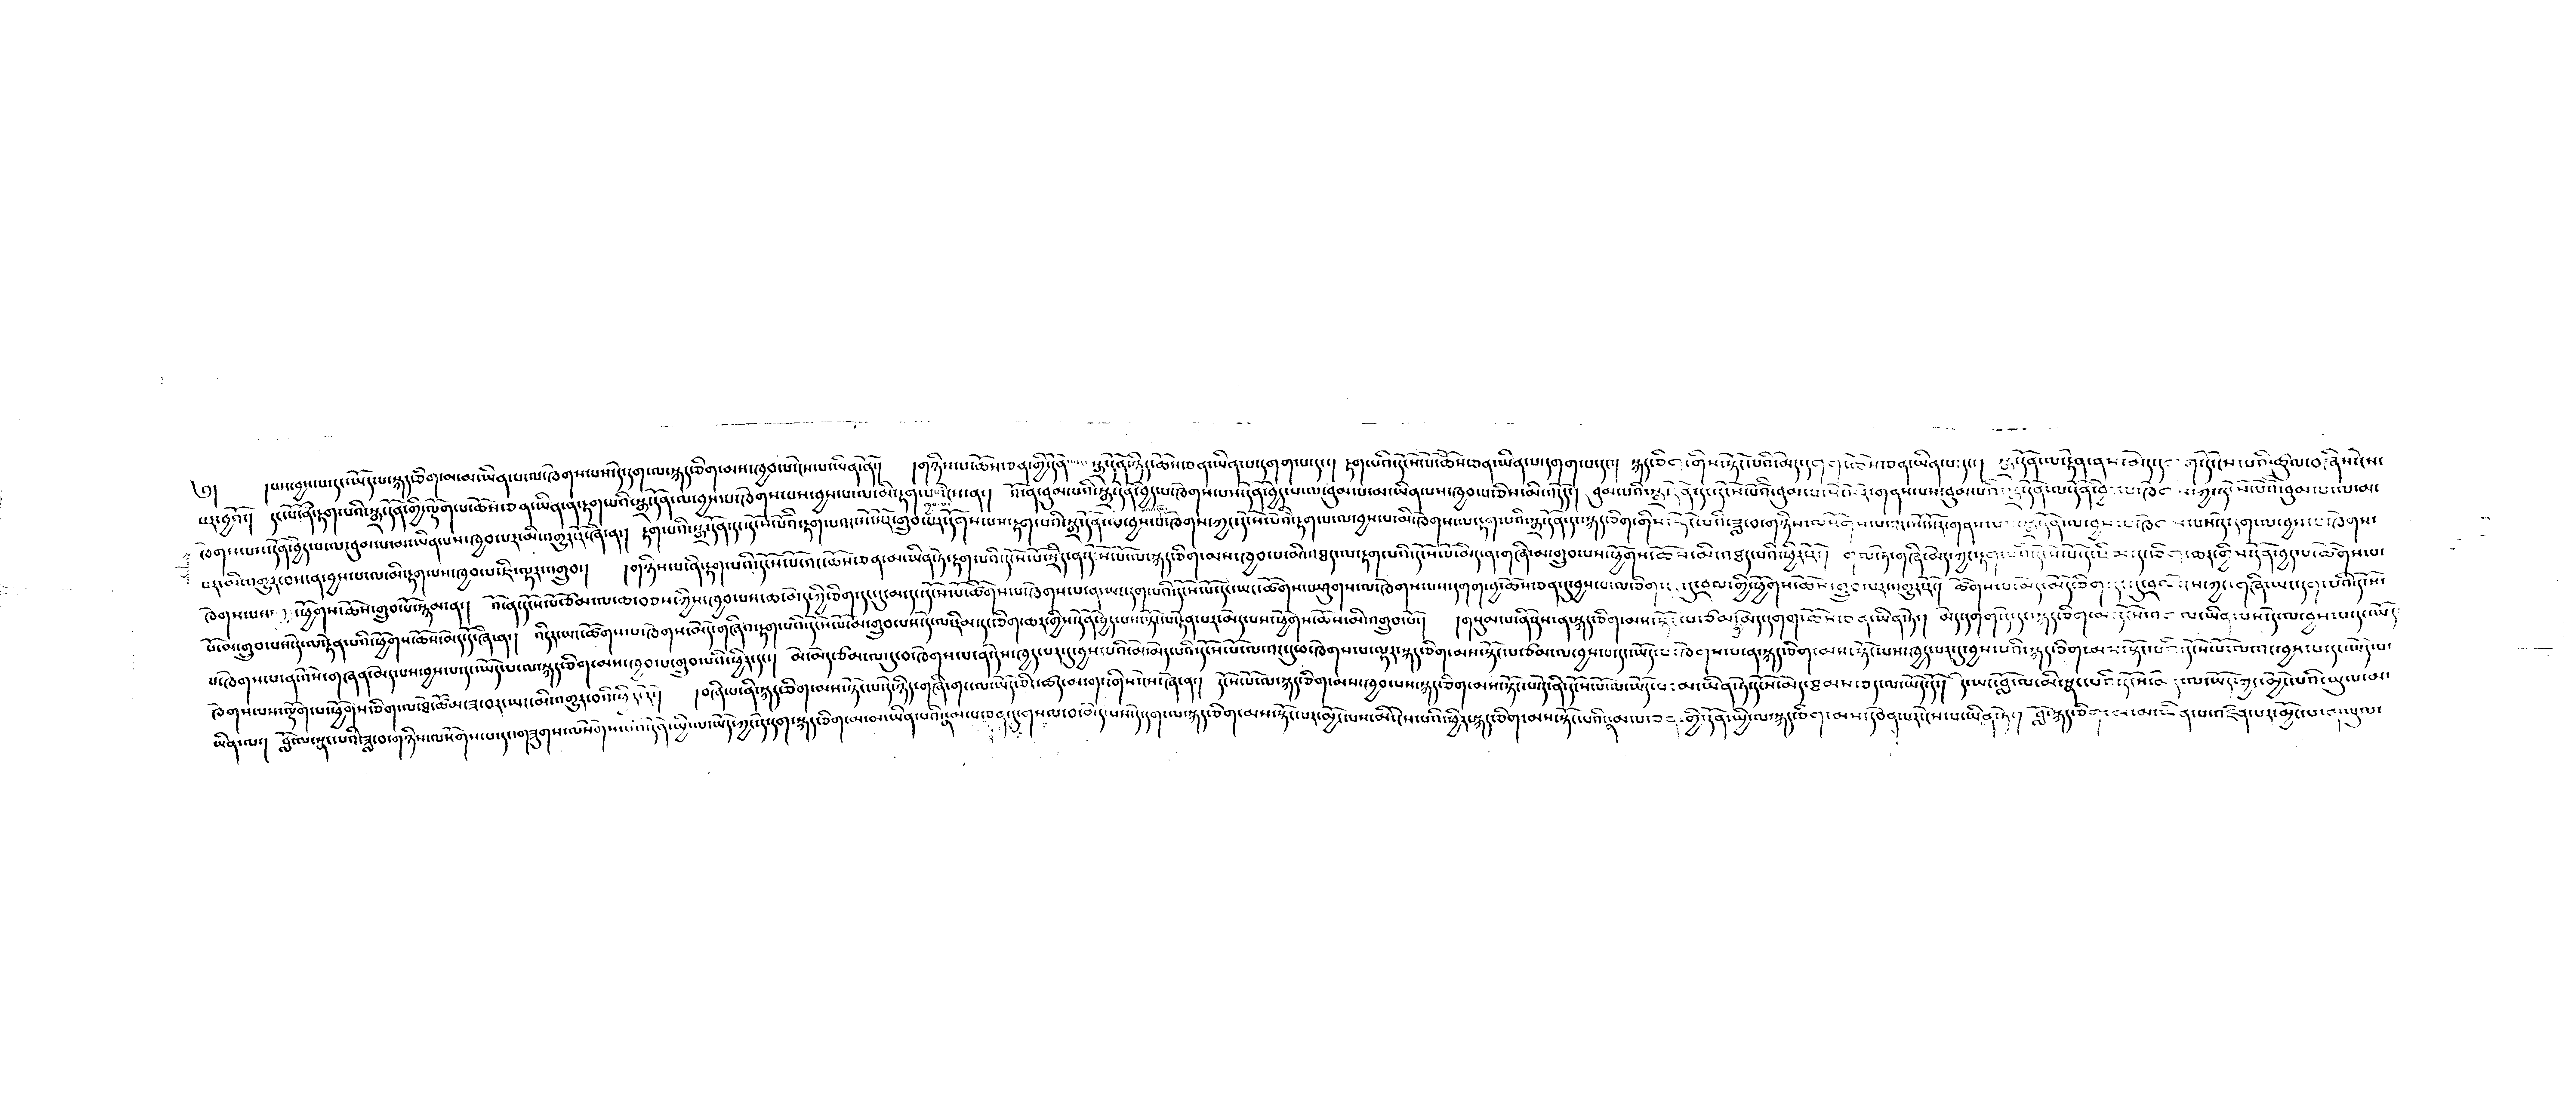༄༅། །པས་བྱས་པ་དང་ཡོད་པ་སྐད་ཅིག་མ་མ་ཡིན་པ་ལ་ཁེགས་པས་དེ་དག་ལ་སྐད་ཅིག་མས་ཁྱབ་པ་ངེས་པ་ཡིན་ནོ། །གཉིས་པ་ཆོས་ཅན་གྱི་དོན་སྒྲ་དོན་ཉིད་ཆོས་ཅན་ཡིན་པ་དགག་པ་དང་། རྟག་པའི་དངོས་པོ་ཆོས་ཅན་ཡིན་པ་དགག་པ་དང་། སྐད་ཅིག་གིས་སྟོང་པའི་མེད་དགག་ཆོས་ཅན་ཡིན་པ་དང་། སྒྲ་དོན་ལ་རྟེན་ནས་མེད་དགག་དེ་ངེས་པའི་ཚུལ་བཞིས་ངེས་
པར་བྱའོ། དང་པོ་ནི་རྟག་པའི་སྒྲ་དོན་གྱི་ལྡོག་པ་ཆོས་ཅན་ཡིན་ན་རྟག་པའི་སྒྲ་དོན་ལ་བྱས་པ་ཁེགས་པས་བྱས་པ་ལ་མི་རྟག་པས་ཁྱབ་པ་ངེས་ན། འོ་ན་བུམ་པའི་སྒྲ་དོན་བྱེད་པ་ཁེགས་པས་དོན་བྱེད་པ་ལ་བུམ་པ་མ་ཡིན་པས་ཁྱབ་པ་ཅིས་མི་འདོད། བུམ་པའི་སྒྲ་དོན་དང་དངོས་པོའི་བུམ་པ་སོ་སོར་གནས་པས་བུམ་པའི་སྒྲ་དོན་ལ་དོན་བྱེད་པ་ཁེགས་ཀྱང་དངོས་པོའི་བུམ་པ་ལ་མ་
ཁེགས་པས་དོན་བྱེད་པ་ལ་བུམ་པ་མ་ཡིན་པས་ཁྱབ་པར་མི་འགྱུར་རོ་ཞེ་ན། རྟག་པའི་སྒྲ་དོན་དང་དངོས་པོའི་རྟག་པའང་སོ་སོར་གྲུབ་པར་དོགས་པས་རྟག་པའི་སྒྲ་དོན་ལ་བྱས་པ་ཁེགས་ཀྱང་དངོས་པོའི་རྟག་པ་ལ་བྱས་པ་མི་ཁེགས་ལ་རྟག་པའི་སྒྲ་དོན་དང་སྐད་ཅིག་གིས་སྟོང་པའི་ཟླ་བ་གཉིས་ལ་སོགས་པ་འང་སོ་སོར་གནས་པ་སྒྲ་དོན་ལ་བྱས་པ་ཁེགས་པས་དེ་དག་ལ་བྱས་པ་ཁེགས་
པར་མི་འགྱུར་བས་ན་བྱས་པ་ལ་མི་རྟག་པས་ཁྱབ་པ་ཇི་ལྟར་འགྲུབ། །གཉིས་པ་ནི་རྟག་པའི་དངོས་པོ་འང་ཆོས་ཅན་མ་ཡིན་ཏེ་རྟག་པའི་དངོས་པོ་སྲིད་ན་དངོས་པོ་ལ་སྐད་ཅིག་ལས་ཁྱབ་པ་མི་འཐད་ལ་རྟག་པའི་དངོས་པོ་མེད་ན་གཞི་མ་གྲུབ་པས་ཕྱོགས་ཆོས་མི་འཐད་པའི་ཕྱིར་རོ། གལ་ཏེ་གཞི་མེད་ཀྱང་རྟག་པའི་དངོས་པོ་དེ་རིམ?་དང་ཅིག་ཆར་གྱིས་དོན་བྱེད་པ་ཚོགས་པ་
ཁེགས་པས་བྱ་ཕྱོགས་ཆོས་གྲུབ་པོ་སྙམ་ན། འོ་ན་དངོས་པོ་ཙམ་ལ་ཆ་བཅས་ཀྱིས་ཁྱབ་པས་ཆ་མེད་ཀྱི་ཅིག་དང་དུ་མ་དང་དངོས་པོ་ཚོགས་པ་ཁེགས་པ་ན་ཡང་དག་པའི་དངོས་པོ་དང་ཡང་ཚོགས་པ་ཤུགས་ལ་ཁེགས་པས་དགག་བྱ་ཆོས་ཅན་དུ་བྱས་པ་ལ་ཅིག་དང?་དུ་བྲལ་གྱི་ཕྱོགས་ཆོས་གྲུབ་པར་འགྱུར་རོ། ཚོགས་པ་མེད་མོད་ཅིག་དང་དུ་བྲལ་ངེས་ཀྱང་གཞི་ཡང་དག་པའི་དངོས་
པོ་མ་གྲུབ་པས་དེ་ལ་རྟེན་པའི་ཕྱོགས་ཆོས་མེད་དོ་ཞེ་ན། འདིར་ཡང་ཚོགས་པ་ཁེགས་མོད་གཞིས་རྟག་པའི་དངོས་པོ་མ་གྲུབ་པས་དེ་ལ་རིམ་དང་ཅིག་ཆར་གྱིས་དོན་བྱེད་པས་སྟོང་པ་རྟེན་པར་མེད་པས་ཕྱོགས་ཆོས་མི་འགྲུབ་པོ། །གསུམ་པ་ནི་དེས་ན་སྐད་ཅིག་མས་སྟོང་པ་ཙམ་མེད་དགག་ཆོས་ཅན་ཡིན་ཏེ། མེད་དགག་དེ་དང་སྐད་ཅིག་མ་དངོས་འགལ?་ཡིན་པས་དེ་ལ་བྱས་པ་དང་ཡོད་
པ་ཁེགས་པ་ན་འོས་གཞན་མེད་པས་བྱས་པ་དང་ཡོད་པ་ལ་སྐད་ཅིག་མས་ཁྱབ་པ་གྲུབ་པའི་ཕྱིར་དང་། མེ་མེད་ཙམ་ལ་དུ་བ་ཁེགས་པ་ན་དེས་ཁྱད་པར་དུ་བྱས་པའི་མེ་མེད་པའི་དངོས་པོ་ལ་འང་དུ་བ་ཁེགས་པ་ལྟར་སྐད་ཅིག་མས་སྟོང་པ་ཙམ་ལ་བྱས་པ་དང་ཡོད་པ་ཁེགས་པ་ན་སྐད་ཅིག་མས་སྟོང་པས་ཁྱད་པར་དུ་བྱས་པའི་སྐད་ཅིག་མས་སྟོང་པའི་དངོས་པོ་ལ་འང་བྱས་པ་དང་ཡོད་པ་
ཁེགས་པས་ལྡོག་པ་ཕྱོགས་ཅིག་ལ་ཐེ་ཚོམ་ཟ་བར་ཡང་མི་འགྱུར་བའི་ཕྱིར་རོ། །བཞི་པ་ནི་སྐད་ཅིག་ལས་སྟོང་པ་དེ་ཉིད་གཞི་གང་ལ་ཡོད་ཅིང་ཚད་མ་གང་གིས་ངེས་ཞེ་ན། དངོས་པོ་ལ་སྐད་ཅིག་མས་ཁྱབ་པས་སྐད་ཅིག་མས་སྟོང་པ་དེ་ནི་དངོས་པོ་ལ་ཡོད་པ་མ་ཡིན་ཏེ་དངོས་མེད་ཐམས་ཅད་ལ་ཡོད་དོ། དེ་ཡང་བློ་ལ་མི་སྣང་པའི་དངོས་མེད་ལ་ཡོད་ཀྱང་མྱོང་པའི་ཡུལ་མ་
ཡིན་ལ། བློ་ལ་སྣང་པའི་ཟླ་བ་གཉིས་ལ་སོགས་པ་དང་གཟུགས་ལ་སོགས་པའི་དོན་སྤྱི་ལ་ཡོད་ཀྱང་དེ་དག་སྐད་ཅིག་ལ་མ་ཡིན་པའི་རྣམ་པ་ཅན་དུ་གསལ་བ་མེད་པས་དེ་དག་ལ་སྐད་ཅིག་མས་སྟོང་པར་མྱོང་པས་མི་ངེས་པའི་ཕྱིར་སྐད་ཅིག་མས་སྟོང་པའི་རྣམ་པ་ཅན་གྱི་དོན་སྤྱི་ལ་སྐད་ཅིག་མས་དབེན་པར་ངེས་པ་ཡིན་ཏེ། བློ་སྐད་ཅིག་ལ་མ་ཡིན་པ་འཛིན་པར་མྱོང་པ་ན་ཡུལ་